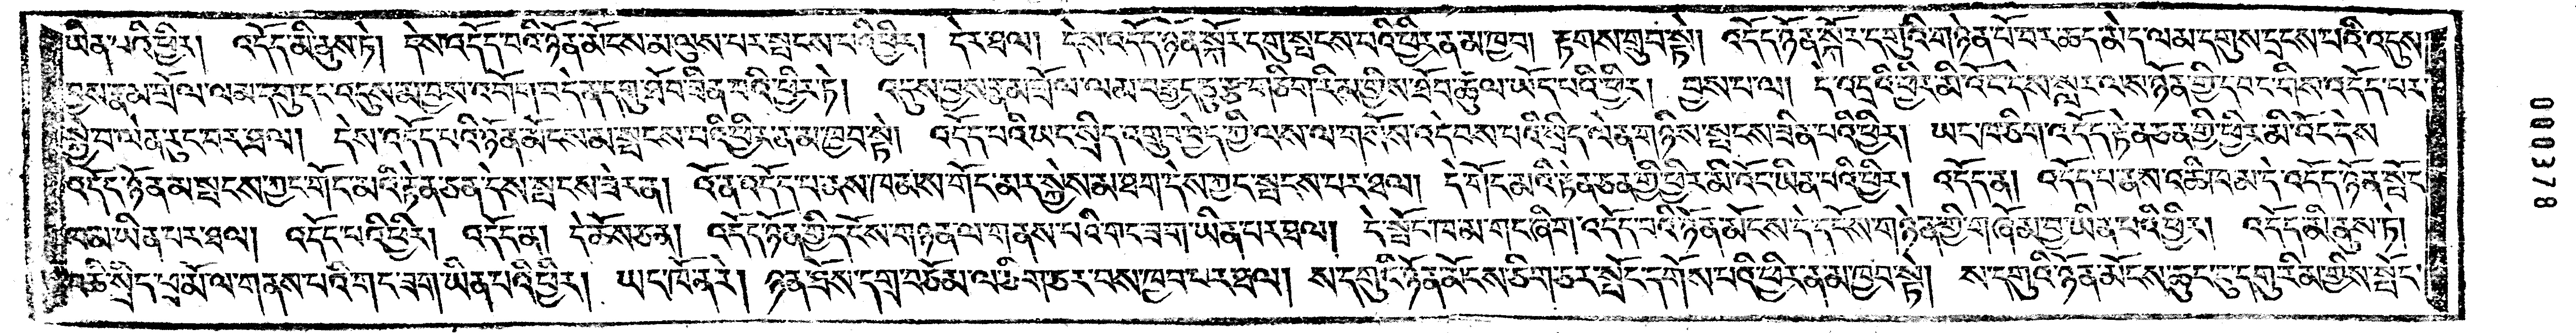ཡིན་པའི་ཕྱིར། འདོད་མི་ནུས་ཏེ། དེས་འདོད་པའི་ཉོན་མོངས་མ་ལུས་པར་སྤངས་པའི་ཕྱིར། དེར་ཐལ། དེས་འདོད་ཉོན་སྐོར་དགུ་སྤངས་པའི་ཕྱིར་ན་མ་ཁྱབ། རྟགས་གྲུབ་སྟེ། འདོད་ཉོན་སྐོར་དགུའི་གཉེན་པོ་བར་ཆད་མེད་ལམ་དགུས་དྲངས་པའི་འདུས་
བྱས་རྣམ་གྲོལ་ལམ་དགུ་དང་འདུས་མ་བྱས་འགོག་བདེན་དགུ་ཐོབ་ཟིན་པའི་ཕྱིར་ཏེ། འདུས་བྱས་རྣམ་གྲོལ་ལམ་བརྒྱད་ཅུ་རྩ་གཅིག་རིམ་གྱིས་ཐོབ་ཚུལ་ཡོད་པའི་ཕྱིར། བྱས་པ་ལ། དེ་འདྲའི་ཕྱིར་མི་འོང་དེས་སླར་ལས་ཉོན་གྱི་དབང་གིས་འདོད་པར་
སྐྱེ་བ་ལེན་རུང་བར་ཐལ། དེས་འདོད་པའི་ཉོན་མོངས་མ་སྤངས་བའི་ཕྱིར་ན་མ་ཁྱབ་སྟེ། འདོད་པའི་ཡང་སྲིད་འགྲུབ་བྱེད་ཀྱི་ལས་ལ་གསོས་འདེབས་པའི་སྲིད་ལེན་གཉིས་སྤངས་ཟིན་པའི་ཕྱིར། ཡང་ཁ་ཅིག་འདོད་རྟེན་ཅན་གྱི་ཕྱིར་མི་འོང་དེས་
འདོད་ཉོན་མ་སྤངས་ཀྱང་གོང་མའི་རྟེན་ཅན་དེས་སྤངས་ཟེར་ན། འོན་འདོད་པ་ནས་ཁམས་གོང་མར་སྐྱེས་མ་ཐག་དེས་ཀྱང་སྤངས་པར་ཐལ། དེ་གོང་མའི་རྟེན་ཅན་གྱི་ཕྱིར་མི་འོང་ཡིན་པའི་ཕྱིར། འདོད་ན། འདོད་པ་ནས་འཆི་བ་མ་དེ་འདོད་ཉོན་སྤོང་
ཁམ་ཡིན་པར་ཐལ། འདོད་པའི་ཕྱིར། འདོད་ན། དེ་ཆོས་ཅན། འདོད་ཉོན་གྱི་དངོས་གཉེན་ལ་གནས་པའི་གང་ཟག་ཡིན་པར་ཐལ། དེ་སྤོང་ཁམ་གང་ཞིག་འདོད་པའི་ཉོན་མོངས་དེ་དངོས་གཉེན་གྱི་གཞོམ་བྱ་ཡིན་པའི་ཕྱིར། འདོད་མི་ནུས་ཏེ།
འཆི་སྲིད་ཕྲ་མོ་ལ་གནས་པའི་གང་ཟག་ཡིན་པའི་ཕྱིར། ཡང་ཁོ་ན་རེ། ཉན་ཐོས་དགྲ་བཅོམ་ལ་ཅིག་ཅར་པས་ཁྱབ་པར་ཐལ། ས་དགུའི་ཉོན་མོངས་ཅིག་ཅར་སྤོང་དགོས་པའི་ཕྱིར་ན་མ་ཁྱབ་སྟེ། ས་དགུའི་ཉོན་མོངས་ཆུང་དུ་དགུ་རིམ་གྱིས་སྤོང་